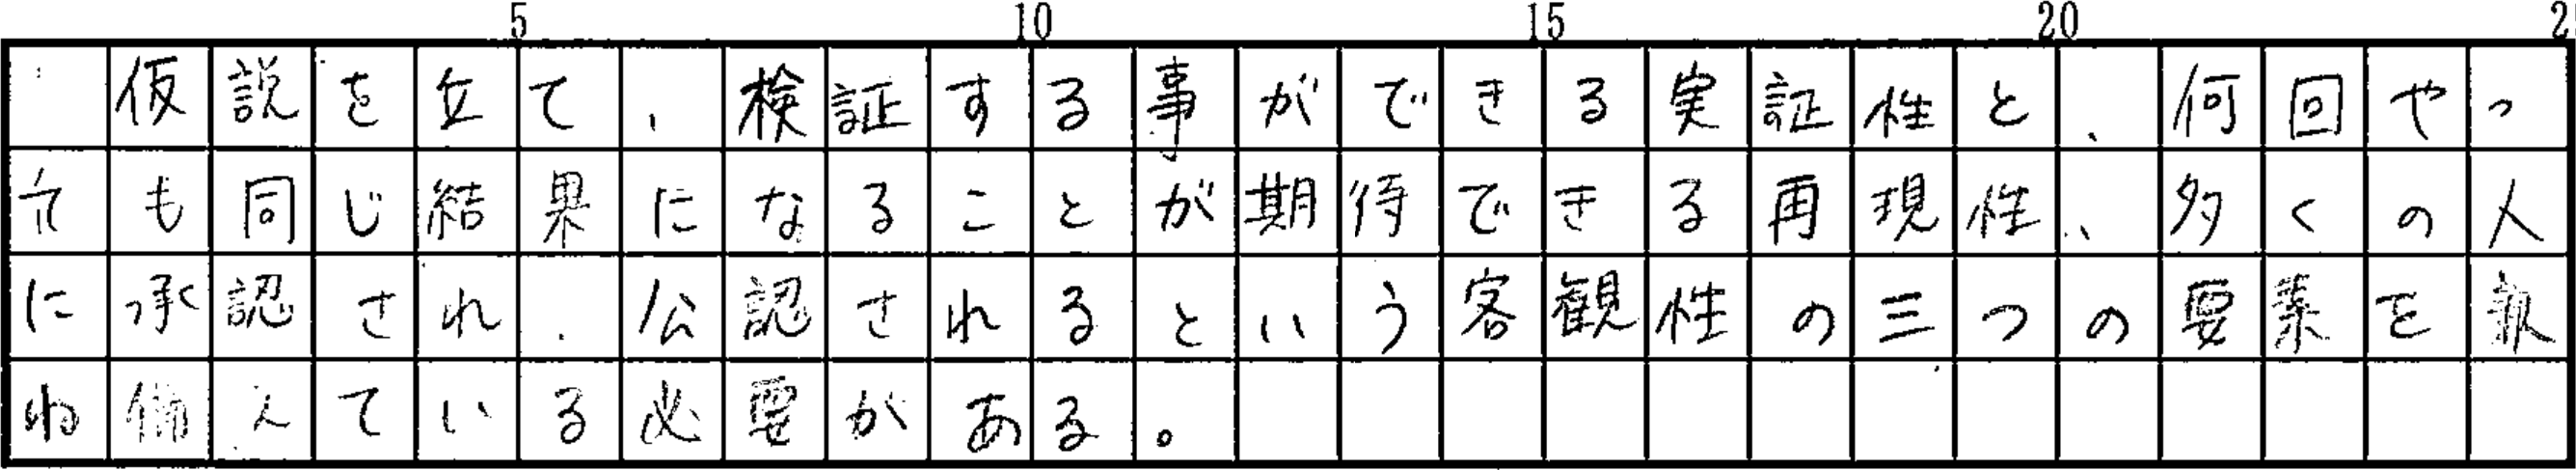　仮説を立て、検証する事ができる実証性と、何回やっても同じ結果になることが期待できる再現性、多くの人に承認され、公認されるという客観性の三つの要素を兼ね備えている必要がある。
